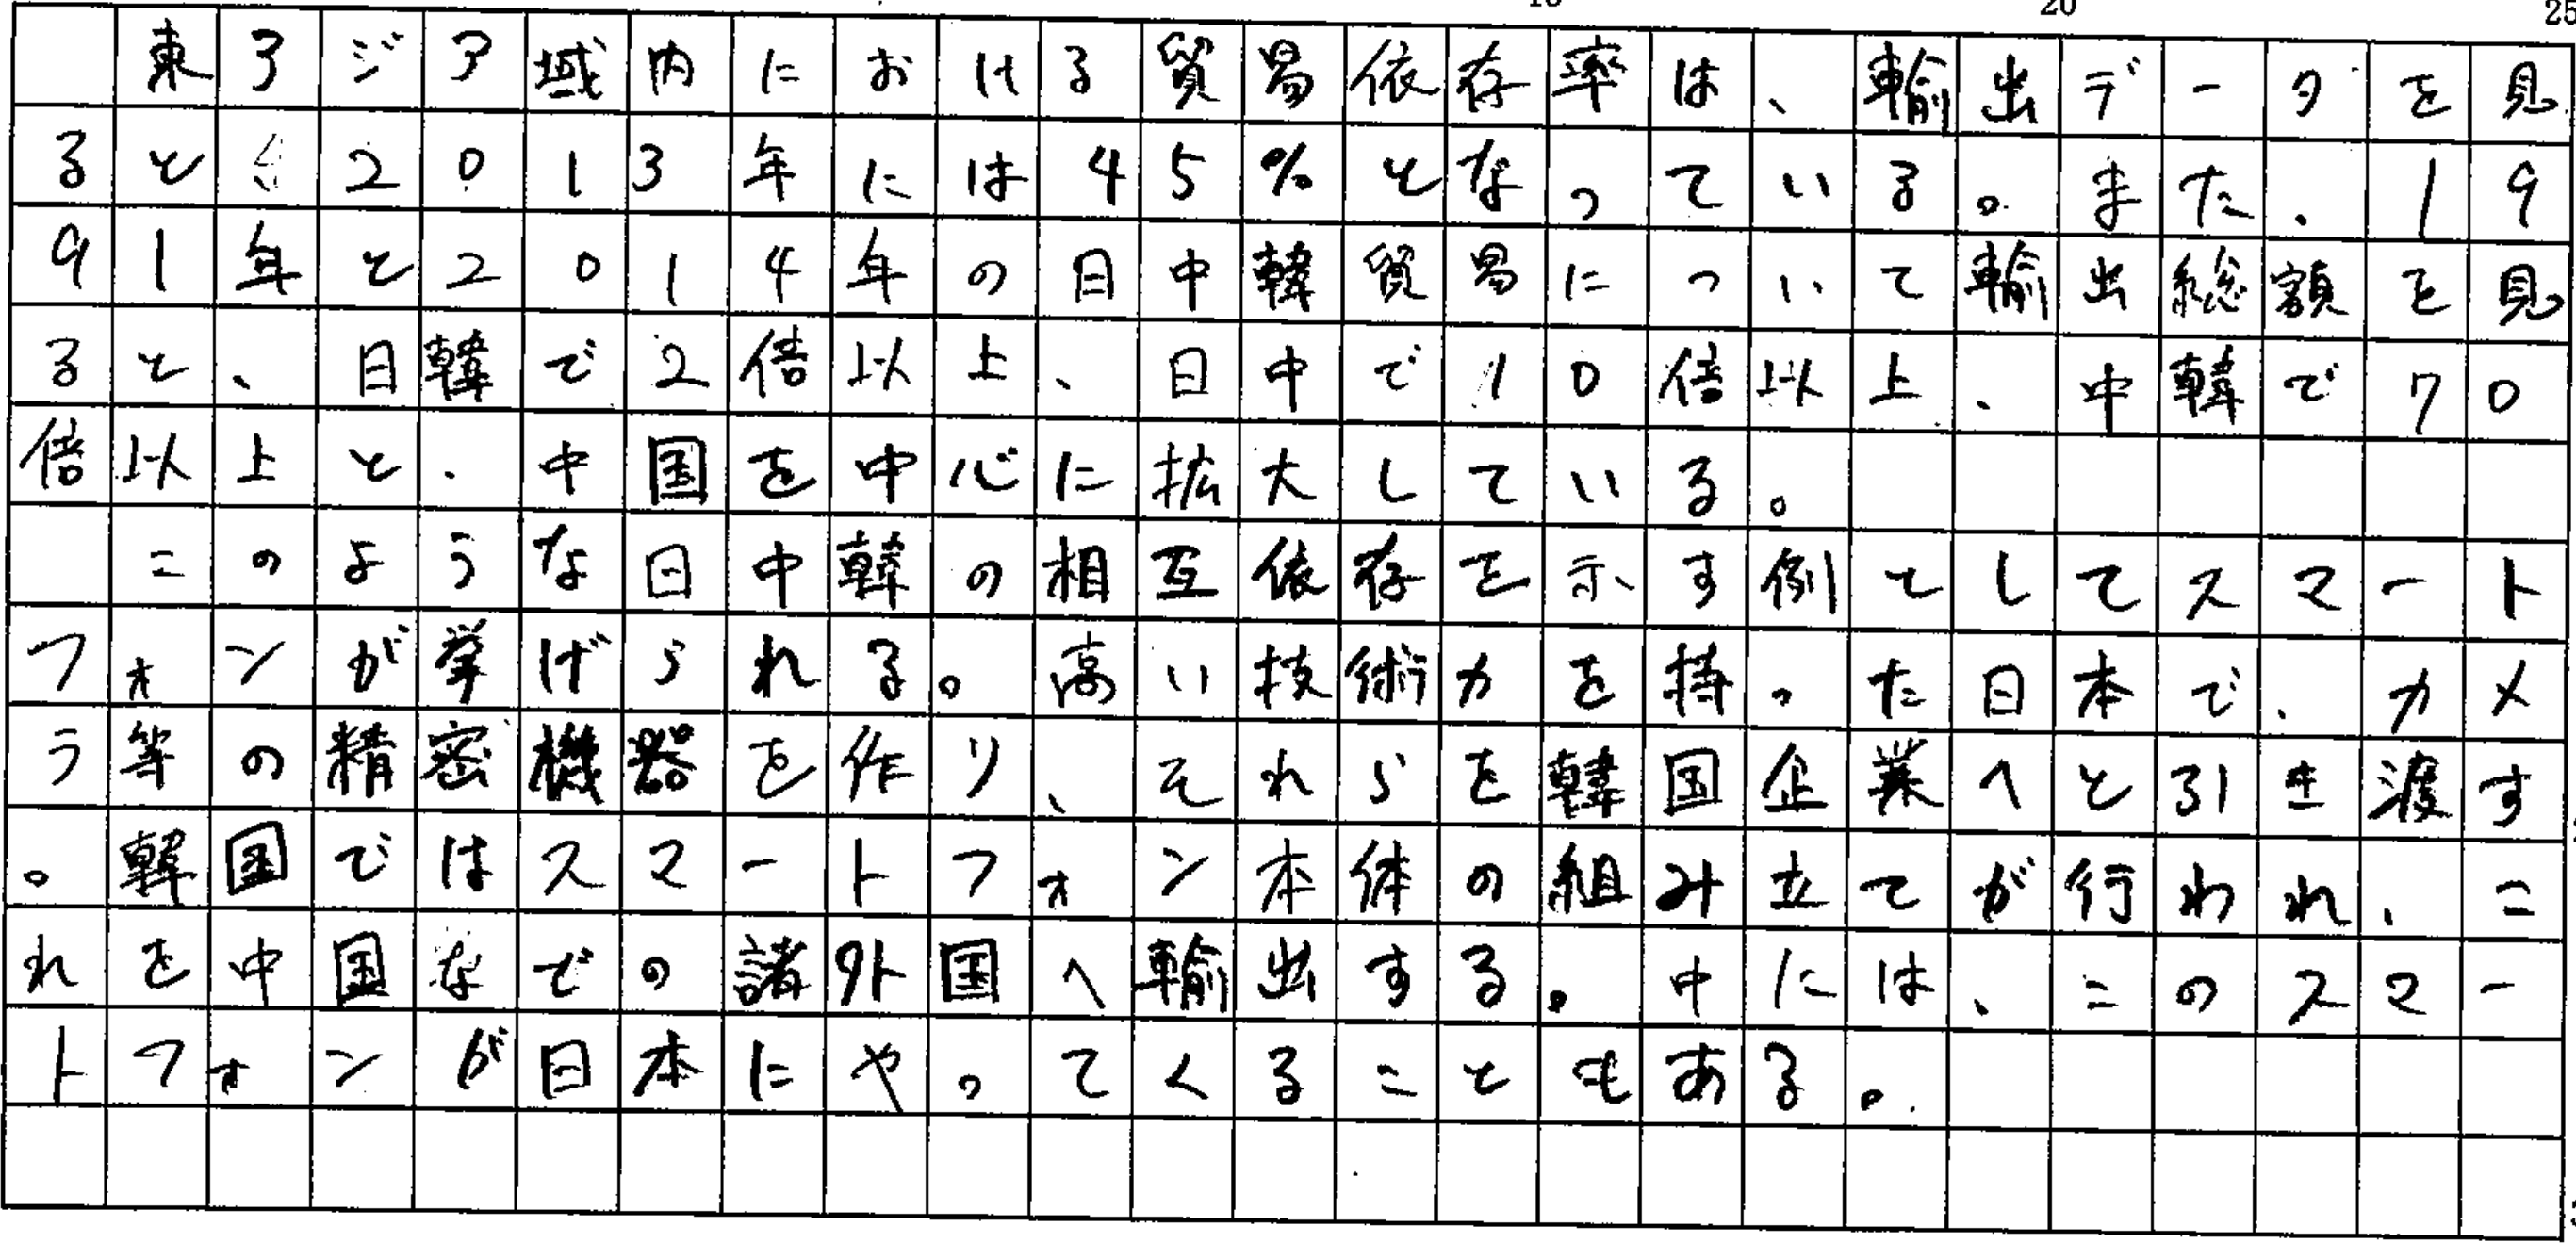　東アジア域内における貿易依存率は、輸出データを見ると、２０１３年には４５％となっている。また、１９９１年と２０１４年の日中韓貿易について輸出総額を見ると、日韓で２倍以上、日中で１０倍以上、中韓で７０倍以上と、中国を中心に拡大している。
　このような日中韓の相互依存を示す例としてスマートフォンが挙げられる。高い技術力を持った日本で、カメラ等の精密機器を作り、それらを韓国企業へと引き渡す。韓国ではスマートフォン本体の組み立てが行われ、これを中国などの諸外国へ輸出する。中には、このスマートフォンが日本にやってくることもある。
